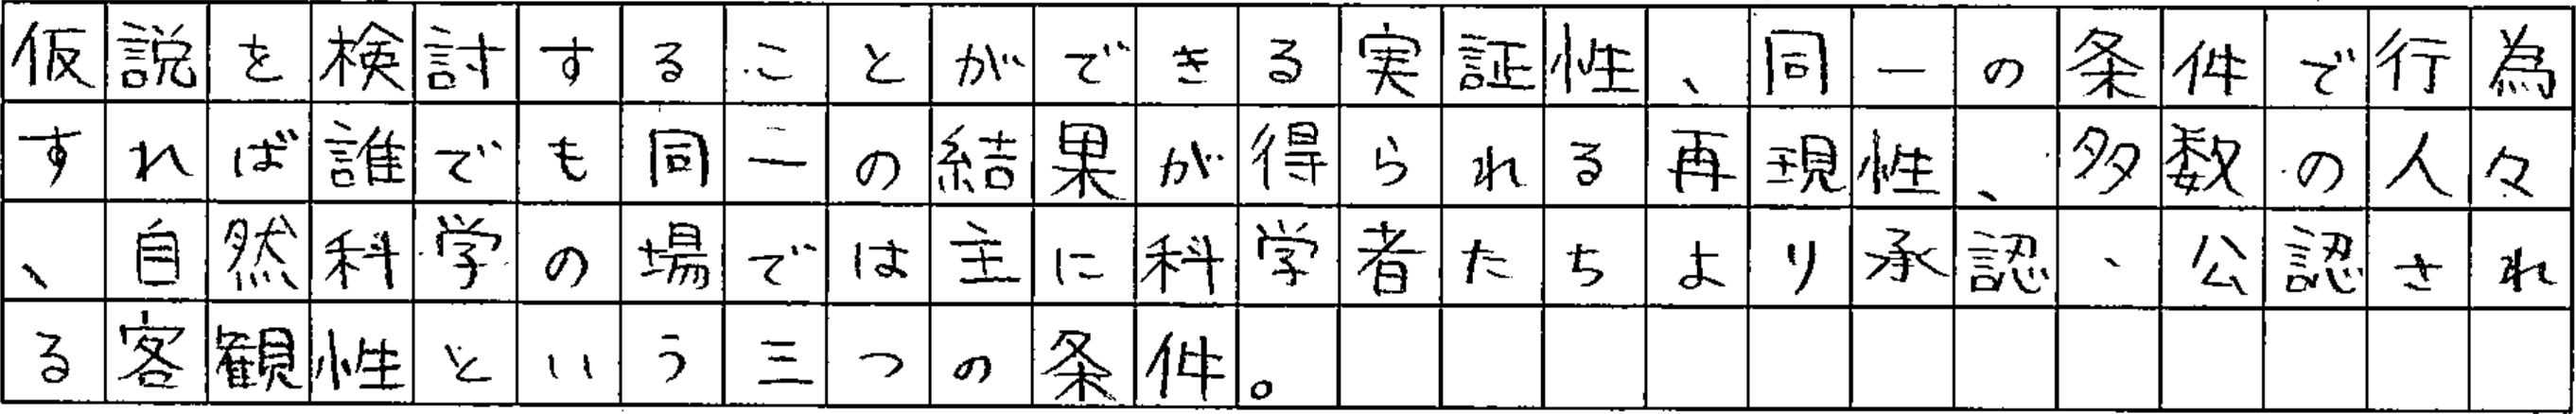仮説を検討することができる実証性、同一の条件で行為すれば誰でも同一の結果が得られる再現性、多数の人々、自然科学の場では主に科学者たちより承認・公認される客観性という三つの条件。
